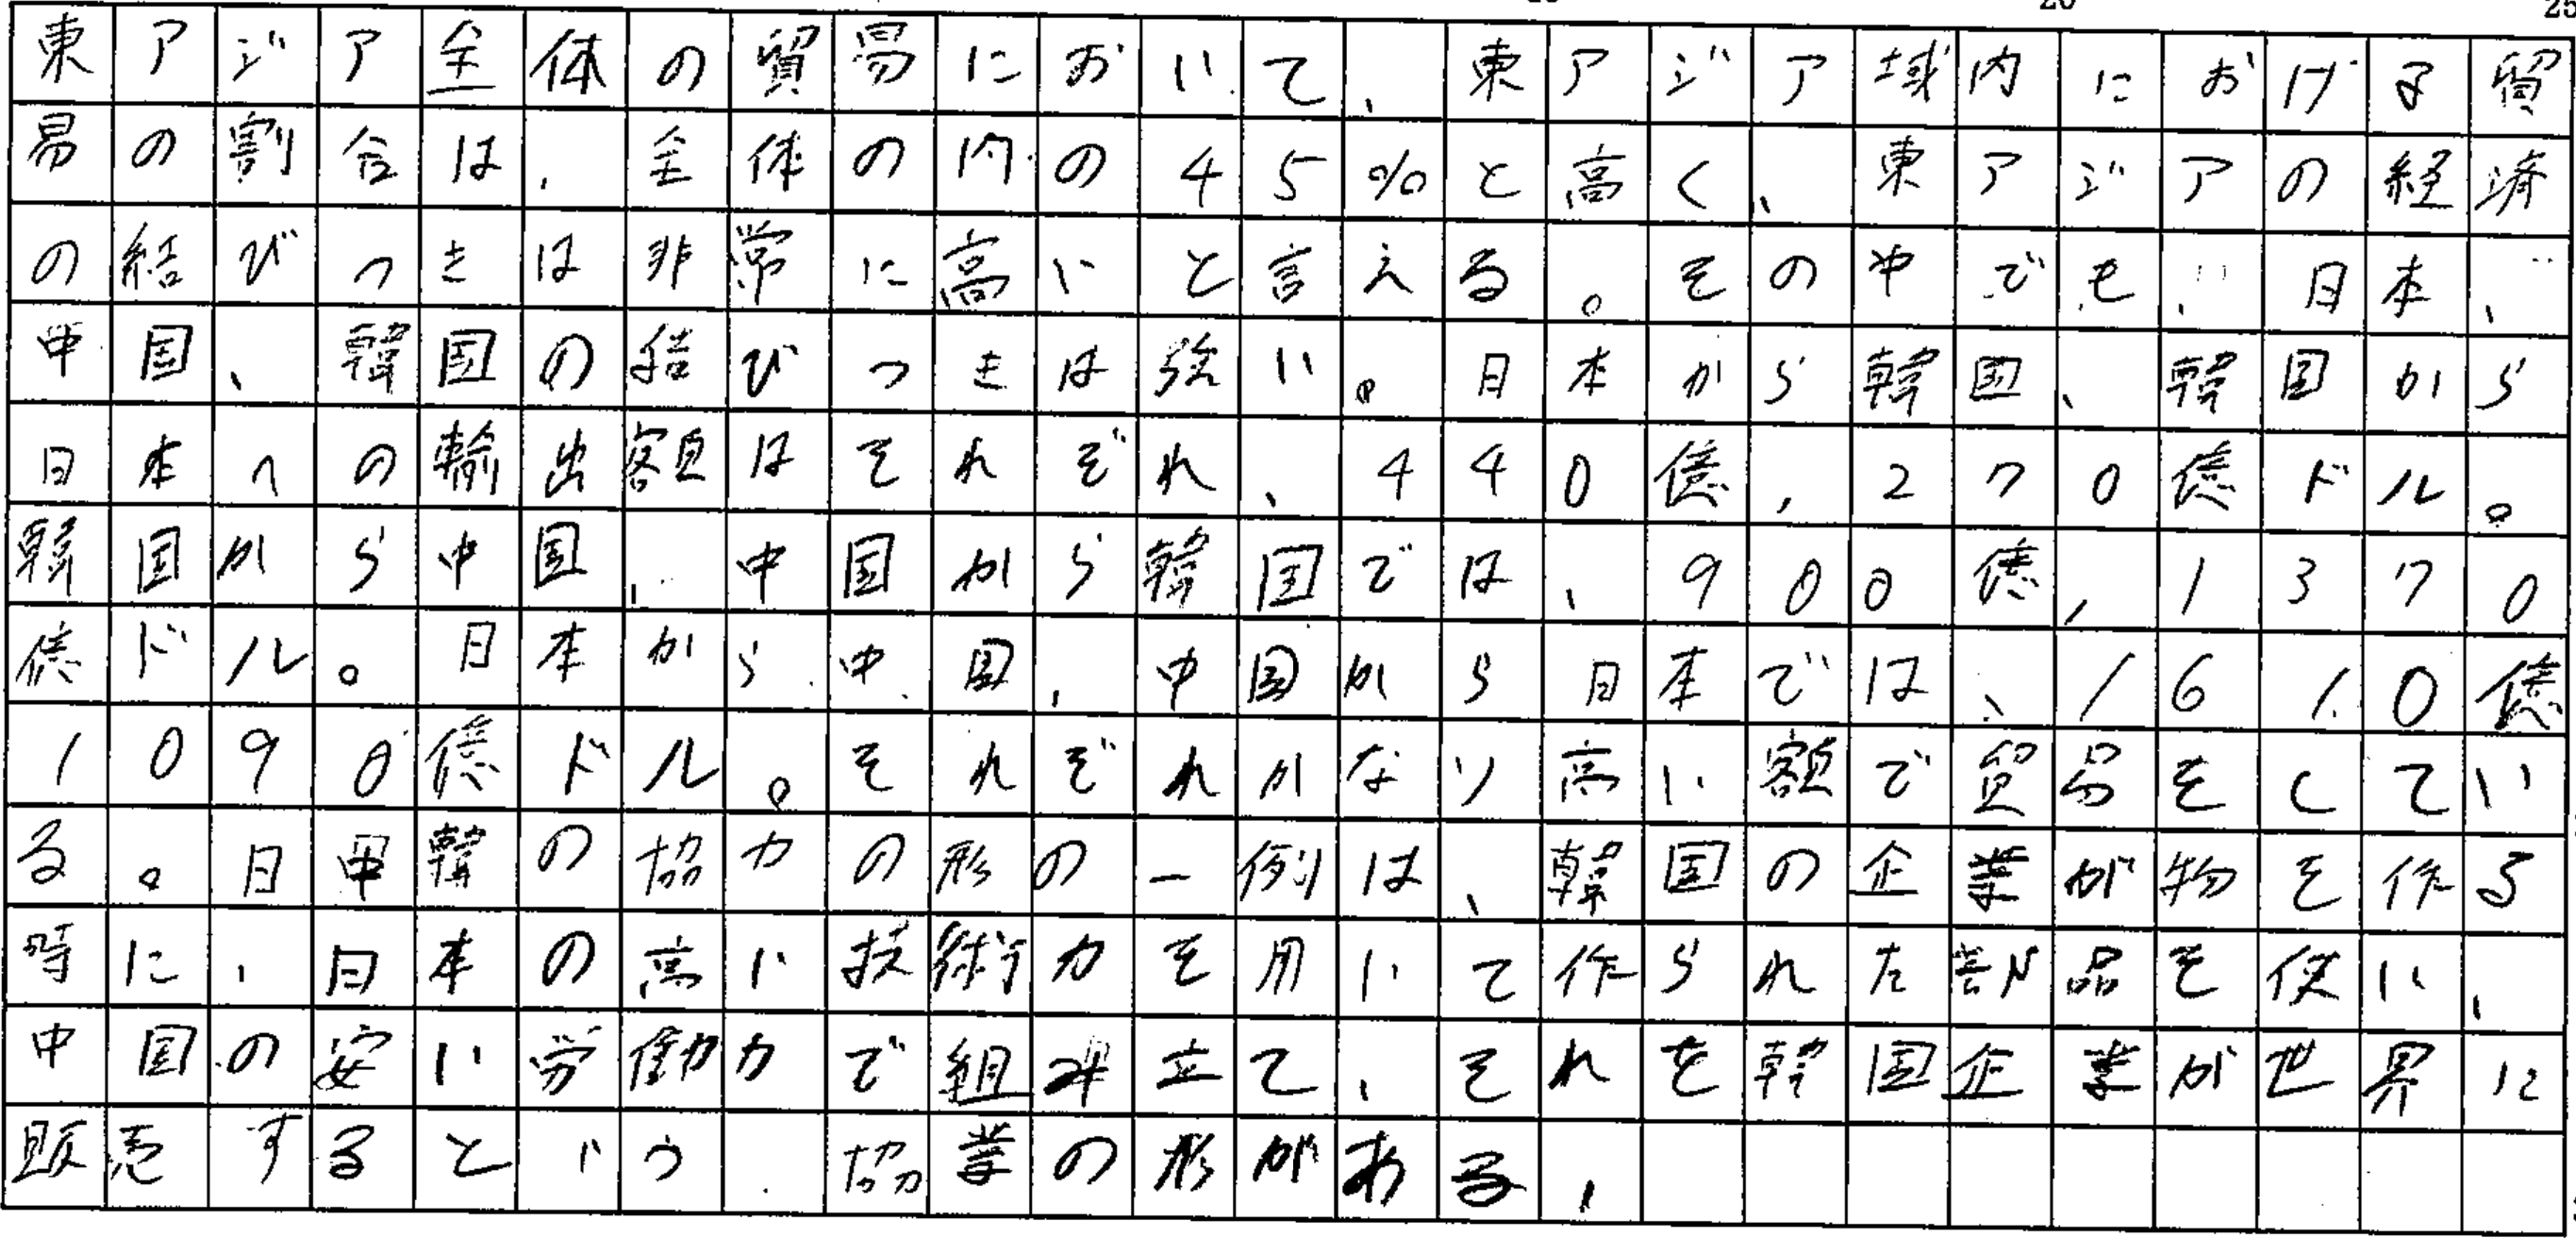東アジア全体の貿易において、東アジア域内における貿易の割合は、全体の内の４５％と高く、東アジアの経済の結びつきは非常に高いと言える。その中でも、日本、中国、韓国の結びつきは強い。日本から韓国、韓国から日本への輸出額はそれぞれ、４４０億，２７０億ドル。韓国から中国、中国から韓国では、９００億，１３７０億ドル。日本から中国、中国から日本では、１６１０億１０９０億ドル。それぞれかなり高い額で貿易をしている。日中韓の協力の形の一例は、韓国の企業が物を作る時に、日本の高い技術力を用いて作られた部品を使い、中国の安い労働力で組み立て、それを韓国企業が世界に販売するという、協▁の形がある，
